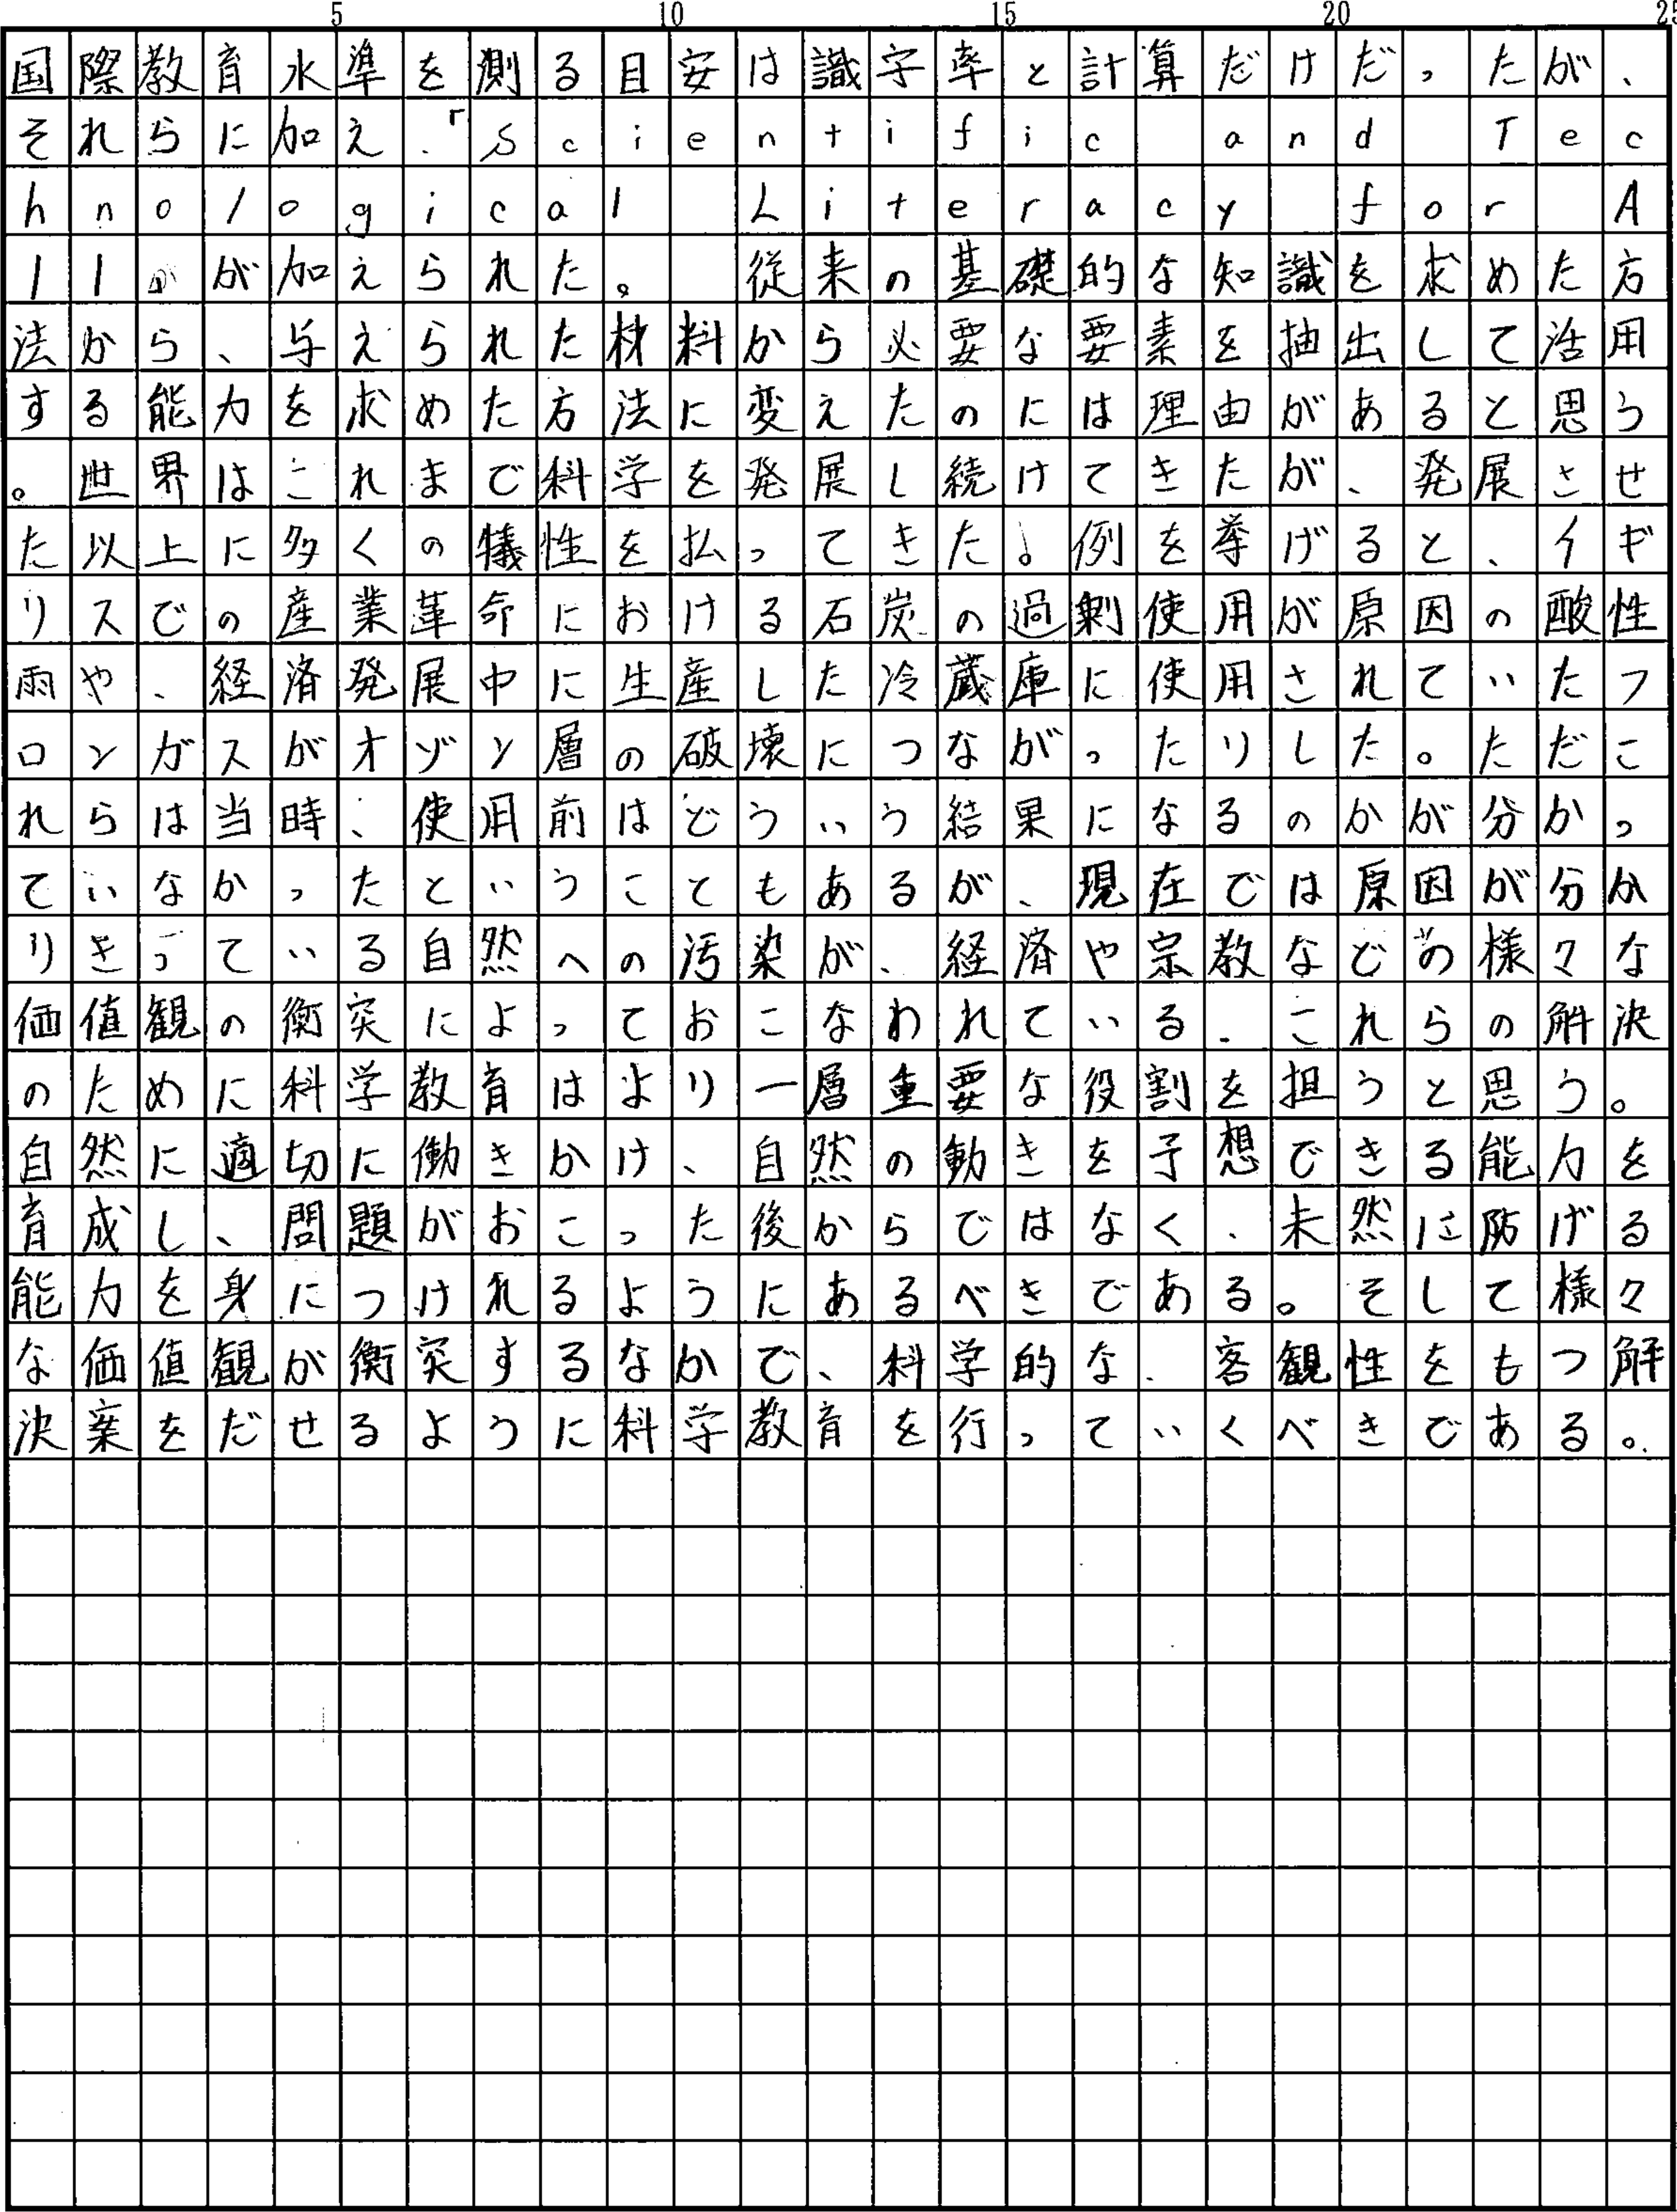国際教育水準を測る目安は識字率と計算だけだったが、それらに加え「Ｓｃｉｅｎｔｉｆｉｃ　ａｎｄ　Ｔｅｃｈｎｏｌｏｇｉｃａｌ　Ｌｉｔｅｒａｃｙ　ｆｏｒ　Ａｌｌ」が加えられた。　従来の基礎的な知識を求めた方法から、与えられた材料から必要な要素を抽出して活用する能力を求めた方法に変えたのには理由があると思う。世界はこれまで科学を発展し続けてきたが、発展させた以上に多くの犠牲を払ってきた。例を挙げると、イギリスでの産業革命における石炭の▁剰使用が原因の酸性雨や、経済発展中に生産した冷蔵庫に使用されていたフロンガスがオゾン層の破壊につながったりした。ただこれらは当時、使用前はどういう結果になるのかが分かっていなかったということもあるが、現在では原因が分かりきっている自然への汚染が、経済や宗教などの様々な価値観の衡突によっておこなわれている、これらの▁決のために科学教育はより一▁重要な役割を担うと思う。自▁に適切に働きかけ、自然の動きを予想できる能力を育成し、問題がおこった後からではなく、未然に防げる能力を身につけれるようにあるべきである。そして様々な価値観が衡突するなかで、科学的な、客観性をもつ▁決案をだせるように科学教育を行っていくべきである。
